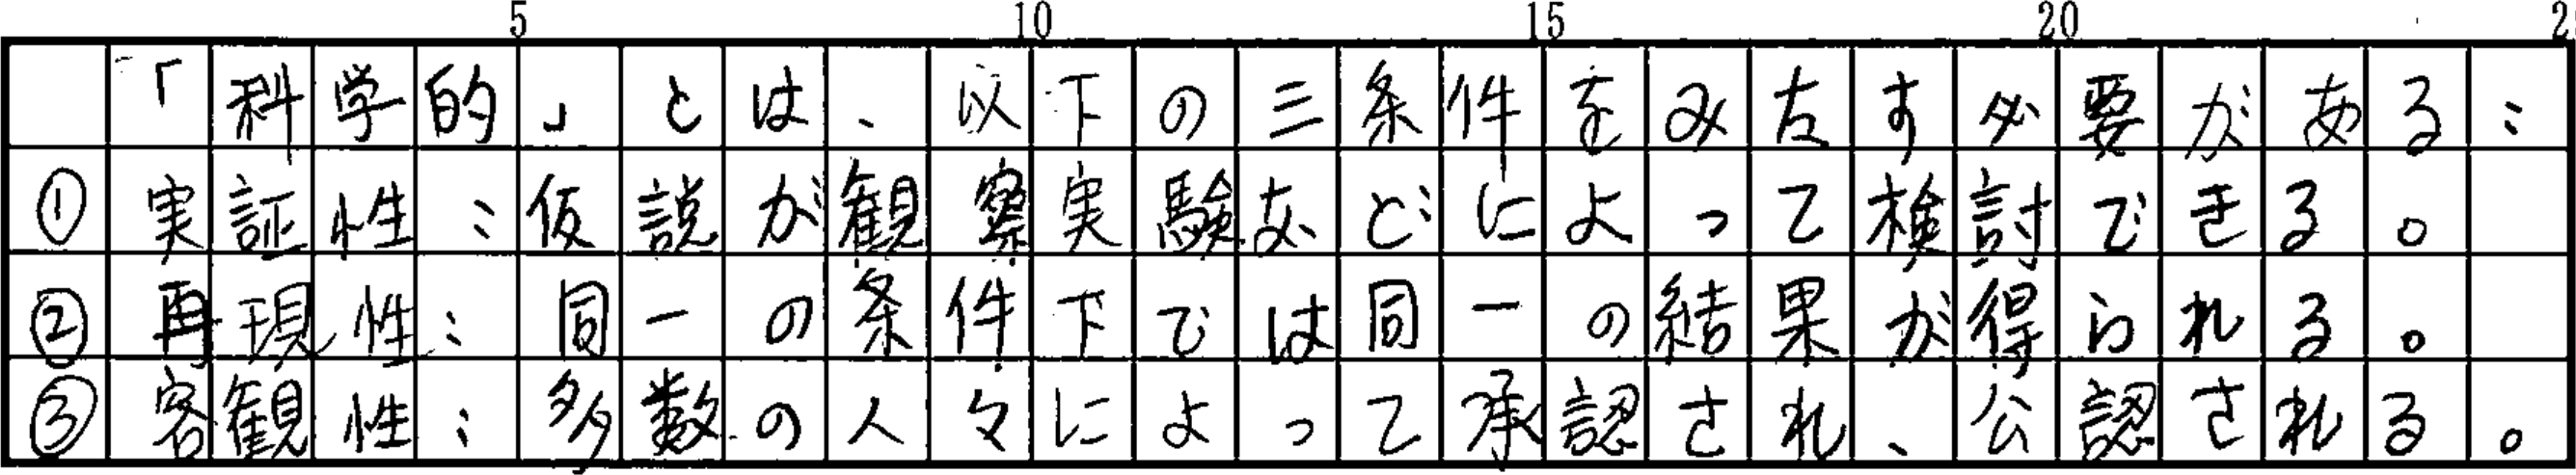　「科学的」とは、以下の三条件をみたす必要がある：①実証性：仮説が観察実験などによって検討できる。　②再現性：同一の条件下では同一の結果が得られる。　③客観性：多数の人々によって承認され、公認される。
